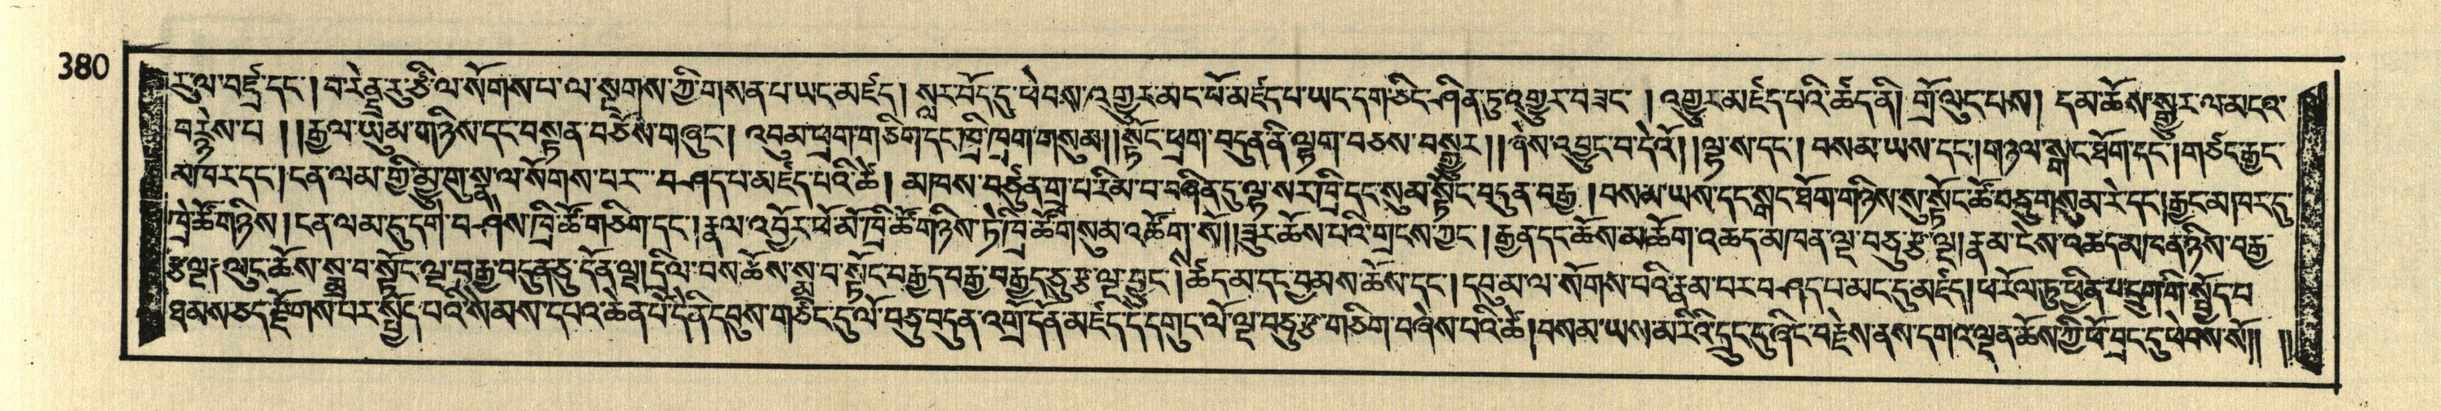རུ་ལ་བཛྲ་དང་། བ་རེནྡྲ་རུ་ཙི་ལ་སོགས་པ་ལ་སྔགས་ཀྱི་གསན་པ་ཡང་མཛད། སླར་བོད་དུ་ཕེབས་འགྱུར་མང་པོ་མཛད་པ་ཡང་དག་ཅིང་ཤིན་ཏུ་འགྱུར་བཟང་། འགྱུར་མཛད་པའི་ཚད་ནི། གྲོ་ལུང་པས། དམ་ཆོས་སྒྱུར་ལ་མངའ་
བརྙེས་པ། །རྒྱལ་ཡུམ་གཉིས་དང་བསྟན་བཅོས་གཞུང་། འབུམ་ཕྲག་གཅིག་དང་ཁྲི་ཁྲག་གསུམ། །སྟོང་ཕྲག་བདུན་ནི་ལྷག་བཅས་བསྒྱུར། །ཞེས་འབྱུང་བ་དེའོ། །ལྷ་ས་དང་། བསམ་ཡས་དང་། གཉལ་སྒང་ཐོག་དང་། གཙང་རྒྱད་
མཁར་དང་། ངན་ལམ་གྱི་མྱུ་གུ་སྣ་ལ་སོགས་པར་བཤད་པ་མཛད་པའི་ཚེ། མཁས་བཙུན་གྲྭ་པ་རིམ་པ་བཞིན་དུ་ལྷ་སར་ཁྲི་དང་སུམ་སྟོང་བདུན་བརྒྱ་།བསམ་ཡས་དང་སྒང་ཐོག་གཉིས་སུ་སྟོང་ཚོ་བཅུ་གསུམ་རེ་དང་། རྒྱང་མཁར་དུ་
ཁྲེ་ཚོ་གཉིས། ངན་ལམ་དུ་དགེ་བཤེས་ཁྲི་ཚོ་གཅིག་དང་། རྣལ་འབྱོར་ཕོ་མོ་ཁྲི་ཚོ་གཉིས་ཏེ་ཁྲི་ཚོ་གསུམ་འཚོག་སོ། །ཟུར་ཆོས་པའི་གྲངས་ཀྱང་། རྒྱན་དང་ཆོས་མཆོག་འཆད་མཁན་ལྔ་བཅུ་རྩ་ལྔ། རྣམ་ངེས་འཆད་མཁན་ཉིས་བརྒྱ་
རྩ་ལྔ༑ ལུང་ཆོས་སྨྲ་བ་སྟོང་ལྔ་བརྒྱ་བདུན་ཅུ་དོན་ལྔ། དྲིལ་བས་ཆོས་སྨྲ་བ་སྟོང་བརྒྱད་བརྒྱ་བརྒྱད་ཅུ་རྩ་ལྔ་བྱུང་། ཚད་མ་དང་བྱམས་ཆོས་དང་། དབུ་མ་ལ་སོགས་པའི་རྣམ་པར་བཤད་པ་མང་དུ་མཛད། ཕ་རོལ་ཏུ་ཕྱིན་པ་དྲུག་གི་སྤྱོད་པ་
ཐམས་ཅད་རྫོགས་པར་སྤྱོད་པའི་སེམས་དཔའ་ཆེན་པོ་དེ་ནི་དབུས་གཙང་དུ་ལོ་བཅུ་བདུན་འགྲོ་དོན་མཛད་དེ་དགུང་ལོ་ལྔ་བཅུ་རྩ་གཅིག་བཞེས་པའི་ཚེ། བསམ་ཡས་མ་རིའི་དྲུང་དུ་ཞིང་བརྗེས་ནས་དགའ་ལྡན་ཆོས་ཀྱི་ཕོ་བྲང་དུ་ཕེབས་སོ།། །།